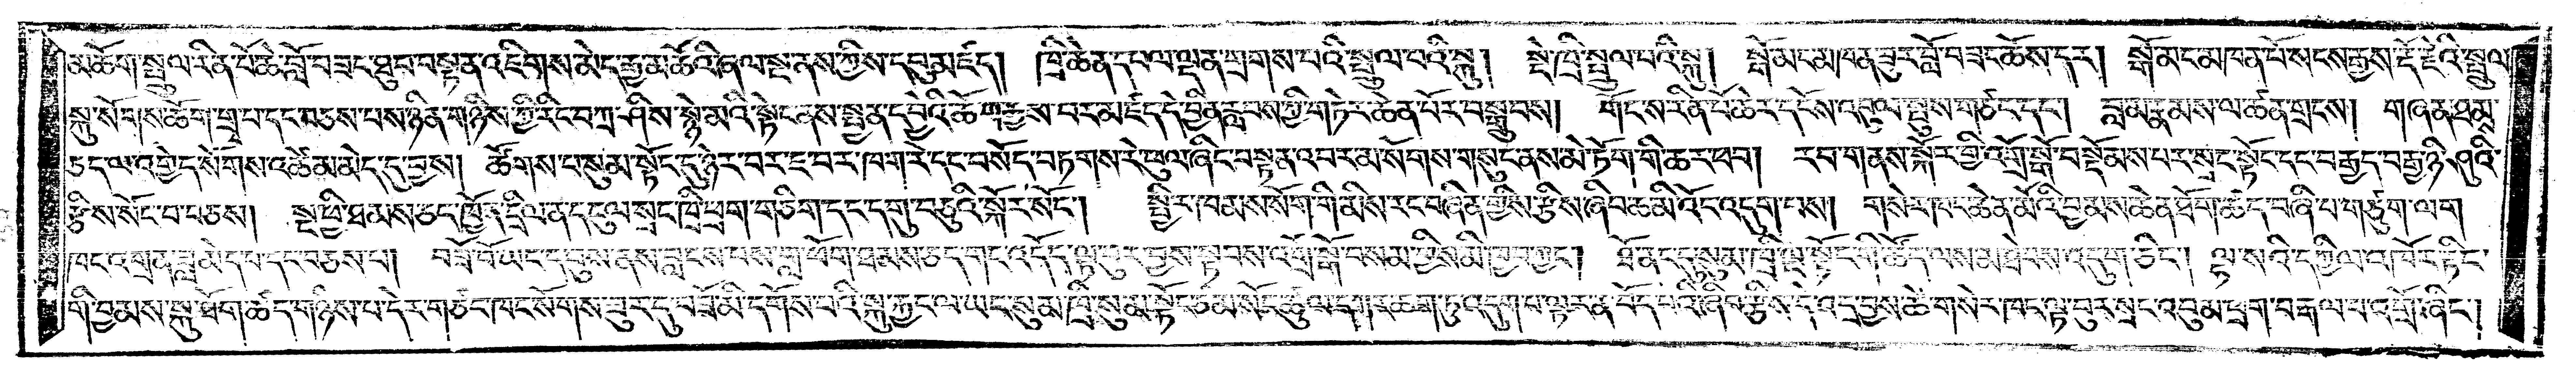མཆོག་སྤྲུལ་རིན་པོ་ཆེ་བློ་བཟང་ཐུབ་བསྟན་འཇིགས་མེད་རྒྱ་མཆོའི་ཞལ་སྔ་ནས་ཀྱིས་དབུ་མཛད། ཁྲི་ཆེན་དཔལ་ལྡན་གྲགས་པའི་སྤྲུལ་པའི་སྐུ། སྡེ་ཁྲི་སྤྲུལ་པའི་སྐུ། སྒོ་མང་མཁན་ཟུར་བློ་བཟང་ཆོས་དར། སྒོ་མང་མཁན་པོ་སངས་རྒྱས་རྡོ་རྗེའི་སྤྲུལ་
སྐུ་སོགས་ཆོག་གྲྭ་པ་དང་བཅས་པས་ཉིན་གཉིས་ཀྱི་རིང་བཀྲ་ཤིས་སྙེ་མའི་སྟེང་ནས་སྤྱན་དབྱེའི་ཆོ་ག་རྒྱས་བར་མཛད་དེ་བྱིན་རླབས་ཀྱི་གཏེར་ཆེན་པོར་བསྒྲུབས། གོང་ས་རིན་པོ་ཆེར་དངོས་འབུལ་སྤུས་གཙང་དང་། བླ་མ་རྣམས་ལ་ཚན་གྲངས། གཞན་ཐམས་
ཅད་ལ་འགྱེད་སོགས་འཚེམ་མེད་དུ་བྱས། ཚོགས་བ་སུམ་སྟོང་དུ་ཉེར་བར་ཇ་བར་ཁག་རེ་དང་བསོད་བཏགས་རེ་ཕུལ་ཞིང་བསྟན་འབར་མ་སོགས་གསུང་ནས་མེ་ཏོག་གི་ཆར་ཕབ། རབ་གནས་སྐོར་གྱི་འགྲོ་སྒོ་བསྡོམས་པར་སྲང་སྟོང་དང་བརྒྱད་བརྒྱ་ཉི་ཤུའི་
རྩིས་སོང་བ་བཅས། སྔ་ཕྱི་ཐམས་ཅད་ཁྱོན་དྲི་ལན་དངུལ་སྲང་ཁྲི་ཕྲག་གཅིག་དང་དགུ་བཅུའི་སྐོར་སོང་། སྤྱིར་ཁམས་སོག་གི་མིས་རང་བཞིན་གྱིས་རྩིས་ཞིབ་ཆ་མི་འོང་འདུག་པས། གསེར་ཁང་ཆེན་མོའི་བྱམས་ཆེན་ཐོག་ཚད་བཞི་བ་གཙུག་ལག་
ཁང་འགྲན་ཟླ་མེད་པ་དང་བཅས་པ། བཟོ་བོ་ཡང་དབུས་ནས་བླངས་པས་གླ་ཕོག་ཐམས་ཅད་གང་འདོད་ལྟ་བུར་བྱས་སྟབས་འགྲོ་སྒོ་བསམ་གྱིས་མི་ཁྱབ་ཀྱང་། ཐོ་ནང་དུ་སུམ་ཁྲི་ལྔ་སྟོང་གི་ཚོད་ལས་མ་ཐེབས་འདུག་ཅིང་། ལྷ་སའི་དཀྱིལ་འཁོར་རྟིང་
གི་བྱམས་སྐུ་ཐོག་ཚད་གཉིས་པ་དེར་གཙང་ཁང་སོགས་ཟུར་དུ་བཟོ་མི་དགོས་བའི་སྐུ་རྐྱང་ལ་ཡང་སུམ་ཁྲི་སུམ་སྟོང་ཙམ་སོང་ཚུལ་དཀར་ཆག་ཏུ་འདུག་པ་ལྟར་ན་བོད་པའི་ཞིབ་རྩིས་དེ་འདྲ་བྱས་ཚེ་གསེར་ཁང་ལྟ་བུར་སྲང་འབུམ་ཕྲག་བརྒལ་བ་འགྲོ་ཞིང་།